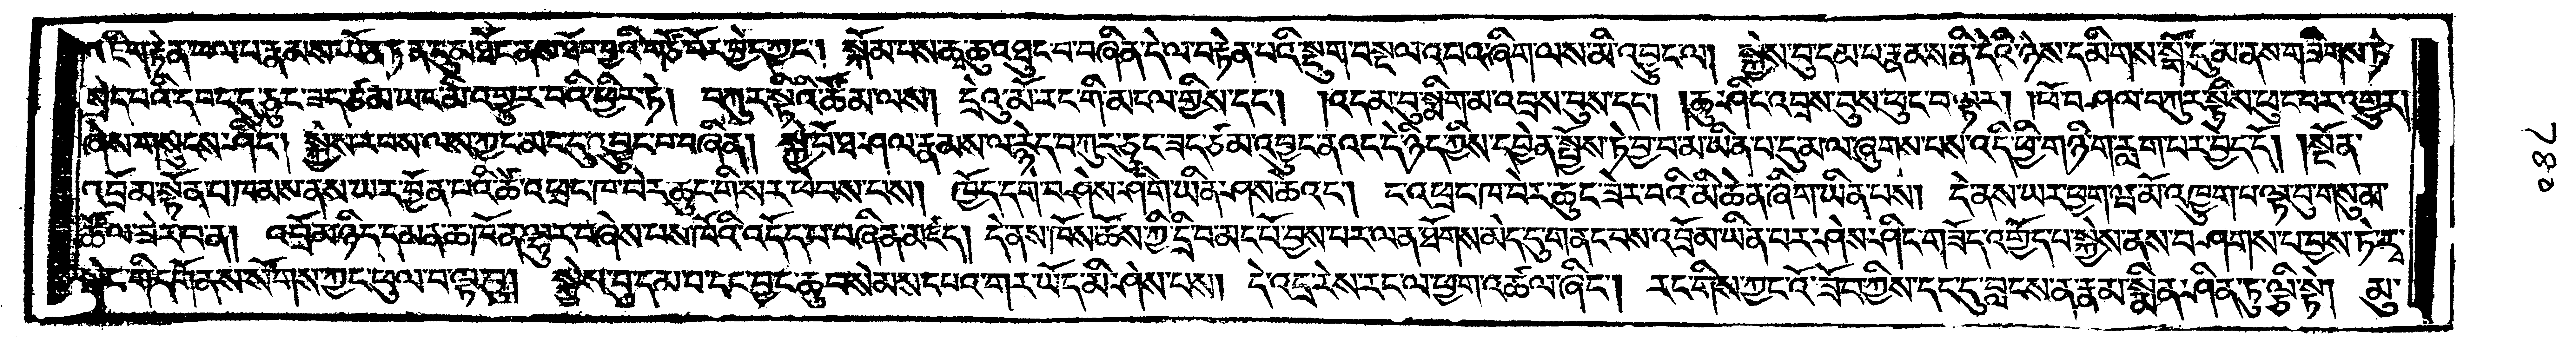འཇིག་རྟེན་ཕལ་པ་རྣམས་ཡོན་ཏན་དུ་མཐོང་ནས་ཐོབ་བྱའི་གཙོ་བོར་བྱེད་ཀྱང་། སྐོམ་པས་ཆྭ་ཆུ་འཐུང་བ་བཞིན་དེ་ལ་བརྟེན་པའི་སྡུག་བསྔལ་འབའ་ཞིག་ལས་མི་འབྱུང་ལ། སྐྱེས་བུ་དམ་པ་རྣམས་ནི་དེའི་ཉེས་དམིགས་སྒོ་དུ་མ་ནས་གཟིགས་ཏེ་
སྲེད་པའི་དབང་དུ་ཅུང་ཟད་ཙམ་ཡང་མི་འགྱུར་བའི་ཕྱིར་ཏེ། བཀུར་སྟིའི་ཚོམ་ལས། དྲེའུ་མོ་རང་གི་མངལ་གྱིས་དང་། །འདམ་བུ་སྨིག་མ་འབྲས་བུས་དང་། །ཆུ་ཤིང་འབྲས་བུས་ཕུང་བ་ལྟར། །ཕོ་བཤལ་བཀུར་སྟིས་ཕུང་བར་འགྱུར།
ཞེས་གསུངས་ཤིང་། སྐྱེས་རབས་ལས་ཀྱང་མང་དུ་འབྱུང་བ་བཞིན། སྐྱེ་བོ་ཐ་ཤལ་རྣམས་ལ་རྙེད་བཀུར་ཅུང་ཟད་ཙམ་འབྱུང་ནའང་དེ་ཉིད་ཀྱིས་དབྱེན་སྤྱོས་ཏེ་བྱ་བ་མ་ཡིན་པ་དུ་མ་ལ་ཞུགས་པས་འདི་ཕྱི་གཉི་བརླག་པར་བྱེད་དོ། །སྔོན་
འབྲོམ་སྟོན་པ་ཁམས་ནས་ཡར་བྱོན་པའི་ཚེ་འཕྲང་ཁ་པར་ཆུང་གི་སར་ཕེབས་པས། ཁྱོད་དག་བ་ཤེས་ཤིག་ཡིན་ཤེས་ཚེའང་། ང་འཕྲང་ཁ་བེར་ཆུང་ཟེར་བའི་མི་ཆེན་ཞིག་ཡིན་པས། དེ་ནས་ཡར་ཕྱག་ཝ་མོ་འཁྱུག་པ་ལྟ་བུ་གསུམ་
ཚོལ་ཟེར་བ་ན། འབྲོམ་ཉིད་དམན་ཆ་ཁོ་ན་ལྷུར་བཞེས་པས་ཁོའི་འདོད་པ་བཞིན་མཛད། དེ་ནས་ཁོས་ཆོས་ཀྱི་དྲི་བ་མང་པོ་བྱས་པར་ལན་ཐོགས་མེད་དུ་གནང་བས་འབྲོམ་ཡིན་པར་ཤེས་ཤིང་གཟོད་འགྱོད་པ་སྐྱེས་ནས་བཤགས་པ་བྱས་ཏེ་ར་
སྒྲེང་གི་དགོ་ནས་སོགས་ཀྱང་ཕུལ་པ་ལྟ་བུ། སྐྱེས་བུ་དམ་པ་དང་བྱང་ཆུབ་སེམས་དཔའ་གར་ཡོད་མི་ཤེས་པས། དེ་འདྲ་རེས་རང་ལ་ཕྱག་འཚལ་ཞིང་། རང་གིས་ཀྱང་འོ་ཟོབ་ཀྱིས་དང་དུ་བླངས་ན་རྣམ་སྨིན་ཤིན་ཏུ་ལྕི་སྟེ། མུ་